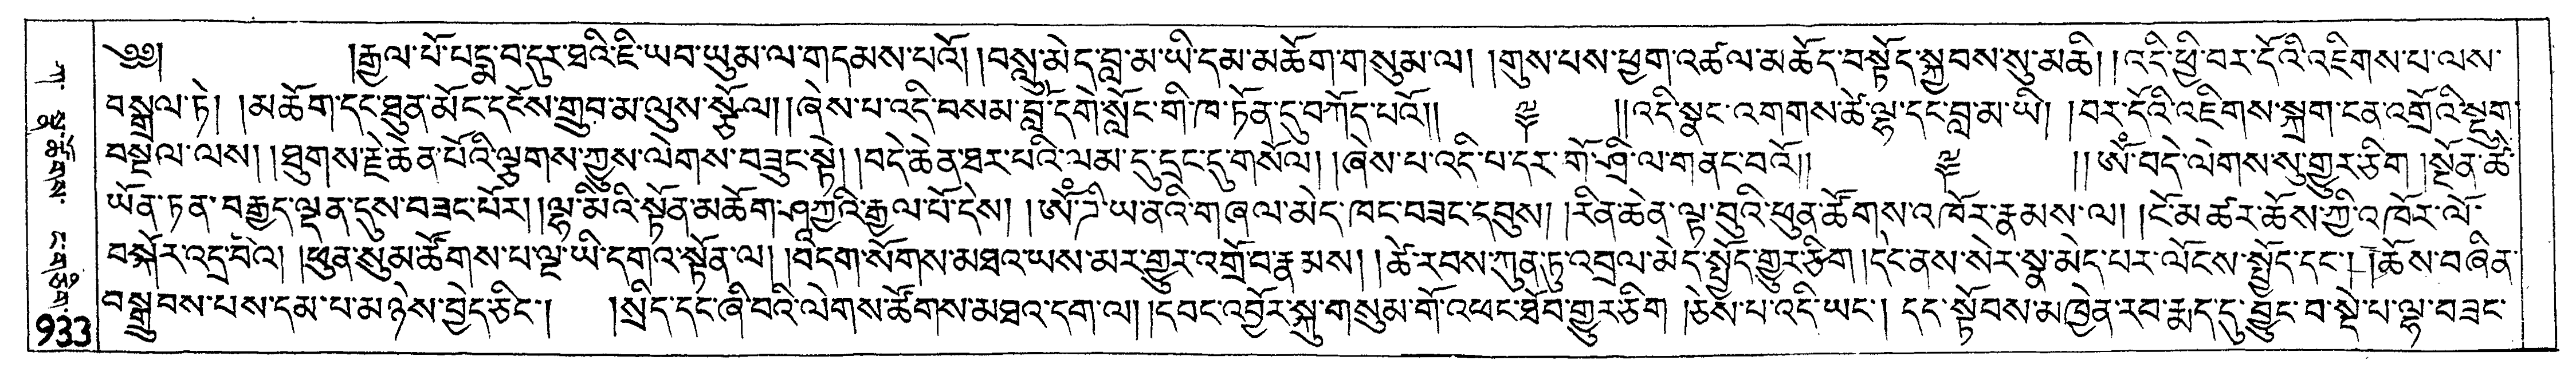༄༅། །རྒྱལ་པོ་པདམ་བ་དུར་ཐའི་ཇི་ཡབ་ཡུམ་ལ་གདམས་པའོ། །བསླུ་མེད་བླ་མ་ཡི་དམ་མཆོག་གསུམ་ལ། །གུས་པས་ཕྱག་འཚལ་མཆོད་བསྟོད་སྐྱབས་སུ་མཆི། །འདི་ཕྱི་བར་དོའི་འཇིགས་པ་ལས་
བསྒྲལ་ཏེ། །མཆོག་དང་ཐུན་མོང་དངོས་གྲུབ་མ་ལུས་སྩོལ། །ཞེས་པ་འདི་བསམ་བློ་དགེ་སློང་གི་ཁ་ཏོན་དུ་བཀོད་པའོ།། ༈ །།འདི་སྣང་འགགས་ཚེ་ལྷ་དང་བླ་མ་ཡི། །བར་དོའི་འཇིགས་སྐྲག་ངན་འགྲོའི་སྡུག་
བསྔལ་ལས། །ཐུགས་རྗེ་ཆེན་པོའི་ལྕགས་ཀྱུས་ལེགས་བཟུང་སྟེ། །བདེ་ཆེན་ཐར་པའི་ལམ་དུ་དྲང་དུ་གསོལ། །ཞེས་པ་འདི་པ་དར་གོ་ཤྲི་ལ་གནང་བའོ།། ༈ །།ཨོཾ་བདེ་ལེགས་སུ་གྱུར་ཅིག །སྔོན་ཚེ་
ཡོན་ཏན་བརྒྱད་ལྡན་དུས་བཟང་པོར། །ལྷ་མིའི་སྟོན་མཆོག་ཤཱཀྱའི་རྒྱལ་པོ་དེས། །ཨོཾ་ཌི་ཡ་ནའི་གཞལ་མེད་ཁང་བཟང་དབུས། །རིན་ཆེན་ལྟ་བུའི་ཕུན་ཚོགས་འཁོར་རྣམས་ལ། །ངོ་མཚར་ཆོས་ཀྱི་འཁོར་ལོ་
བསྐོར་འདྲ་བའི། །ཕུན་སུམ་ཚོགས་པ་ལྔ་ཡི་དགའ་སྟོན་ལ། །བདག་སོགས་མཐའ་ཡས་མར་གྱུར་འགྲོ་བ་རྣམས། །ཚེ་རབས་ཀུན་ཏུ་འབྲལ་མེད་སྤྱོད་གྱུར་ཅིག །དེང་ནས་སེར་སྣ་མེད་པར་ལོངས་སྤྱོད་དང་། །ཆོས་བཞིན་
བསྒྲུབས་པས་དམ་པ་མཉེས་བྱེད་ཅིང་། །སྲིད་དང་ཞི་བའི་ལེགས་ཚོགས་མཐའ་དག་ལ། །དབང་འབྱོར་སྐུ་གསུམ་གོ་འཕང་ཐོབ་གྱུར་ཅིག །ཅེས་པ་འདི་ཡང་། དད་སྟོབས་མཁྱེན་རབ་རྨད་དུ་བྱུང་བ་སྡེ་པ་ལྷ་བཟང་